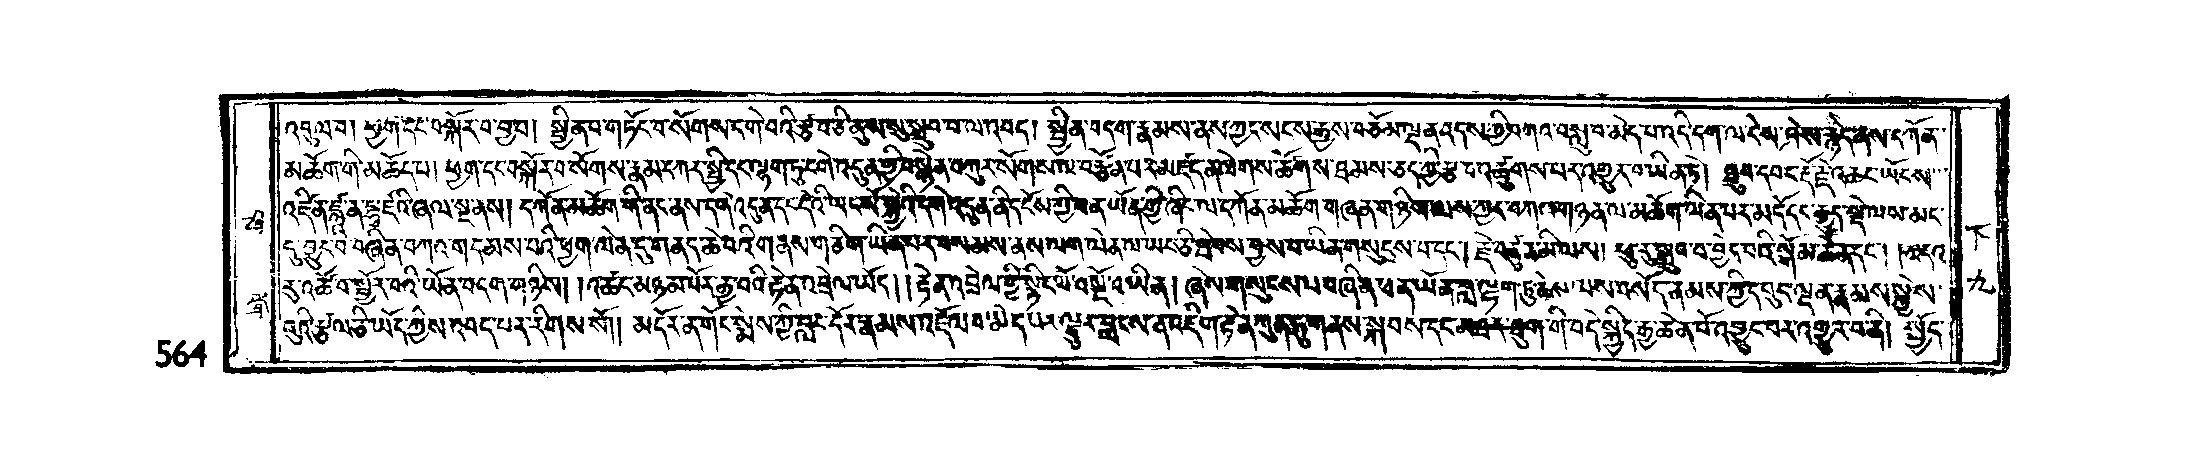འབུལ་བ། ཕྱག་དང་བསྐོར་བ་བྱ་བ། སྦྱིན་པ་གཏོང་བ་སོགས་དགེ་བའི་རྩ་བ་ཅི་ནུས་སུ་སྒྲུབ་བ་ལ་འབད། སྦྱིན་བདག་རྣམས་ནས་ཀྱང་སངས་རྒྱས་བཅོམ་ལྡན་འདས་ཀྱི་བགའ་བསླུ་བ་མེད་པ་འདི་དག་ལ་ངེས་ཤེས་རྙེད་ནས་དཀོན་
མཆོག་གི་མཆོད་པ། ཕྱག་དང་བསྐོར་བ་སོགས་རྣམ་དཀར་སྤྱི་དང་ལྷག་ཏུ་དགེ་འདུན་གྱི་བསྙེན་བཀུར་སོགས་ལ་བརྩོན་པར་མཛད་ན་ཐེགས་ཚོགས་ཐམས་ཅད་ཀྱི་རྩ་བ་འཚུགས་པར་འགྱུར་བ་ཡིན་ཏེ། ཐུབ་དབང་རྡོ་རྗེ་འཆང་ཡོངས་
འཛིན་ཛྙཱ་ན་དྷྭ་ཛའི་ཞལ་སྔ་ནས། དཀོན་མཆོག་གི་ནང་ནས་དགེ་འདུན་དང་དེའི་ཡང་སོ་སྐྱེའི་དགེ་འདུན་ནི་དངོས་ཀྱི་ཕན་ཡོན་གྱི་ཞིང་ལ་དཀོན་མཆོག་གཞན་གཉིས་ལས་ཀྱང་བཀའ་གཉན་ལ་མཆོག་ལེན་པར་མདོ་དང་རྒྱུད་སྡེ་ལས་མང་
དུ་བྱུང་བ་བཞིན་བཀའ་གདམས་པའི་ཕྱག་ལེན་དུ་གནད་ཆེ་བའི་གནས་གཅིག་ཡིན་པར་བསམས་ནས་ལག་ལེན་ལ་ཡང་ཅི་ཐེབས་བྱས་པ་ཡིན་གསུངས་པ་དང་། རྗེ་བཙུན་མི་ལས། ཕུ་རུ་སྒྲུབ་བ་བྱེད་པའི་སྒོམ་ཆེན་དང་། །མདའ་
རུ་འཚོ་བ་སྦྱོར་བའི་ཡོན་བདག་གཉིས། །འཚང་མཉམ་པོར་རྒྱ་བའི་རྟེན་འབྲེལ་ཡོད། །རྟེན་འབྲེལ་གྱི་སྙིང་པོ་བསྔོ་བ་ཡིན། ཞེས་གསུངས་པ་བཞིན་ཕན་ཡོན་བླ་ལྷག་ཏུ་ཆེས་ལས་བསོད་ནམས་ཀྱི་དཔུང་ལྡན་རྣམས་སྐྱེས་
བུའི་རྩལ་ཅི་ཡོད་ཀྱིས་འབད་པར་རིགས་སོ། །མདོར་ན་གོང་སྨེས་ཀྱི་བླང་དོར་རྣམས་འཇོལ་བ་མེད་པར་ལྷུར་བླངས་ན་འཇིག་རྟེན་ཀུན་ཏུ་གནས་སྐབས་དང་མཐར་ཐུག་གི་བདེ་སྐྱིད་རྒྱ་ཆེན་པོ་འབྱུང་བར་འགྱུར་བ་ནི། སྤྱོད་